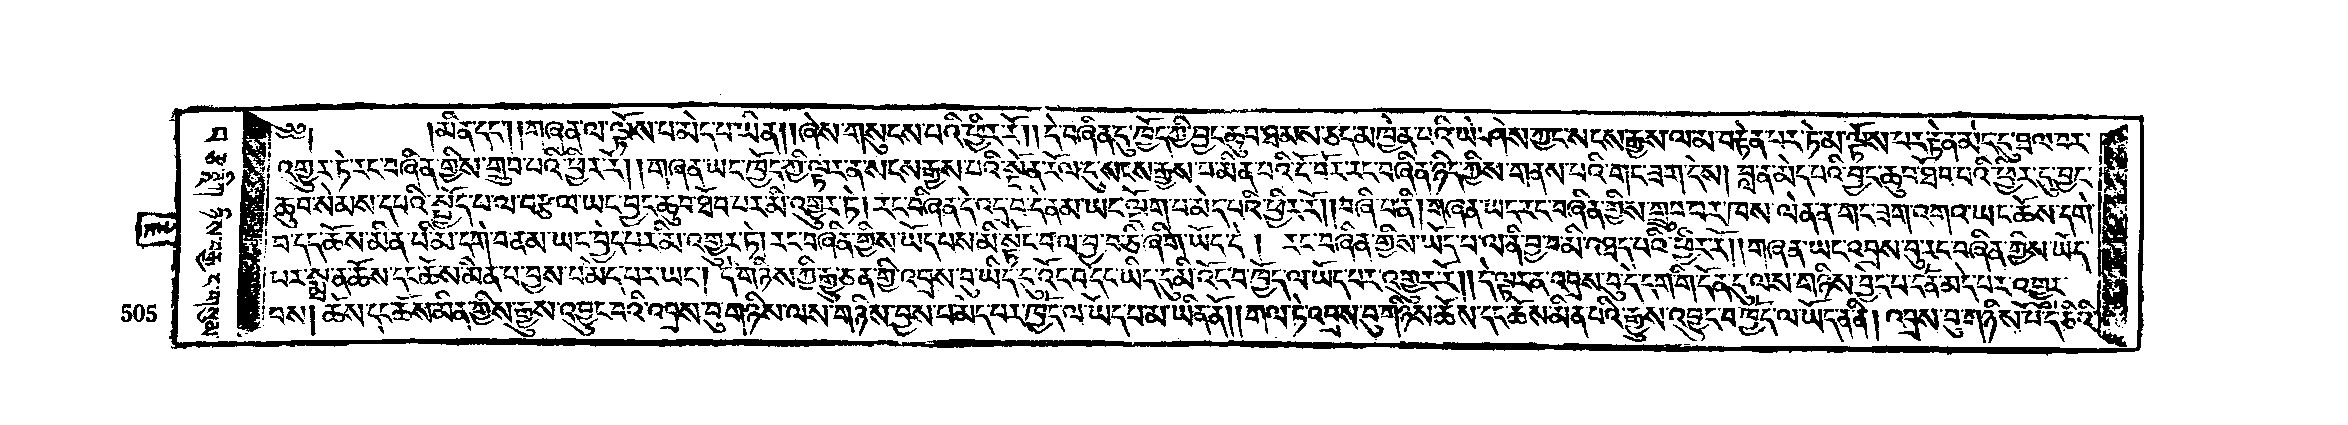༄༅། །མིན་དང་། །གཞན་ལ་ལྟོས་པ་མེད་པ་ཡིན། །ཞེས་གསུངས་པའི་ཕྱིར་རོ། །དེ་བཞིན་དུ་ཁྱོད་ཀྱི་བྱང་ཆུབ་ཐམས་ཅད་མཁྱེན་པའི་ཡེ་ཤེས་ཀྱང་སངས་རྒྱས་ལམ་བརྟེན་པ་ཏེ་མ་ལྟོས་པར་རྟེན་མེད་དུ་ཐལ་བར་
འགྱུར་ཏེ་རང་བཞིན་གྱིས་གྲུབ་པའི་ཕྱིར་རོ། །གཞན་ཡང་ཁྱོད་ཀྱི་ལྟར་ན་སངས་རྒྱས་པའི་སྔོན་རོལ་དུ་སངས་རྒྱས་པ་མིན་པའི་ངོ་བོར་རང་བཞིན་ཉིད་ཀྱིས་གནས་པའི་གང་ཟག་དེས། བླ་ན་མེད་པའི་བྱང་ཆུབ་ཐོབ་པའི་ཕྱིར་དུ་བྱང་
ཆུབ་སེམས་དཔའི་སྤྱོད་པ་ལ་བརྩལ་ཡང་བྱང་ཆུབ་ཐོབ་པར་མི་འགྱུར་ཏེ། རང་བཞིན་དེ་འདྲ་བ་དེ་ནམ་ཡང་ལྡོག་པ་མེད་པའི་ཕྱིར་རོ། །བཞི་པ་ནི། གཞན་ཡང་རང་བཞིན་གྱིས་གྲུབ་པར་ཁས་ལེན་ན་གང་ཟག་འགའ་ཡང་ཆོས་དགེ་
བ་དང་ཆོས་མིན་པ་མི་དགེ་བ་ནམ་ཡང་བྱེད་པར་མི་འགྱུར་ཏེ། རང་བཞིན་གྱིས་ཡོད་པས་མི་སྟོང་པ་ལ་བྱ་བ་ཅི་ཞིག་ཡོད་དེ། རང་བཞིན་གྱིས་ཡོད་པ་ལ་ནི་བྱ་བ་མི་འཐད་པའི་ཕྱིར་རོ། །གཞན་ཡང་འབྲས་བུ་རང་བཞིན་གྱིས་ཡོད་
པར་སྨྲ་ན་ཆོས་དང་ཆོས་མིན་པ་བྱས་པ་མེད་པར་ཡང་། དེ་གཉིས་ཀྱི་རྒྱུ་ཅན་གྱི་འབྲས་བུ་ཡིད་དུ་འོང་བ་དང་ཡིད་དུ་མི་འོང་བ་ཁྱོད་ལ་ཡོད་པར་འགྱུར་རོ། །དེ་ལྟར་ན་འབྲས་བུ་དེ་དག་གི་དོན་དུ་ལས་གཉིས་བྱེད་པ་དོན་མེད་པར་འགྱུར་
བས། ཆོས་དང་ཆོས་མིན་གྱིས་རྒྱུས་འབྱུང་བའི་འབྲས་བུ་གཉིས་ལས་གཉིས་བྱས་པ་མེད་པར་ཁྱོད་ལ་ཡོད་པ་མ་ཡིན་ནོ། །གལ་ཏེ་འབྲས་བུ་གཉིས་ཆོས་དང་ཆོས་མིན་པའི་རྒྱུས་འབྱུང་བ་ཁྱོད་ལ་ཡོད་ན་ནི། འབྲས་བུ་གཉིས་པོ་དེ་ཅིའི་